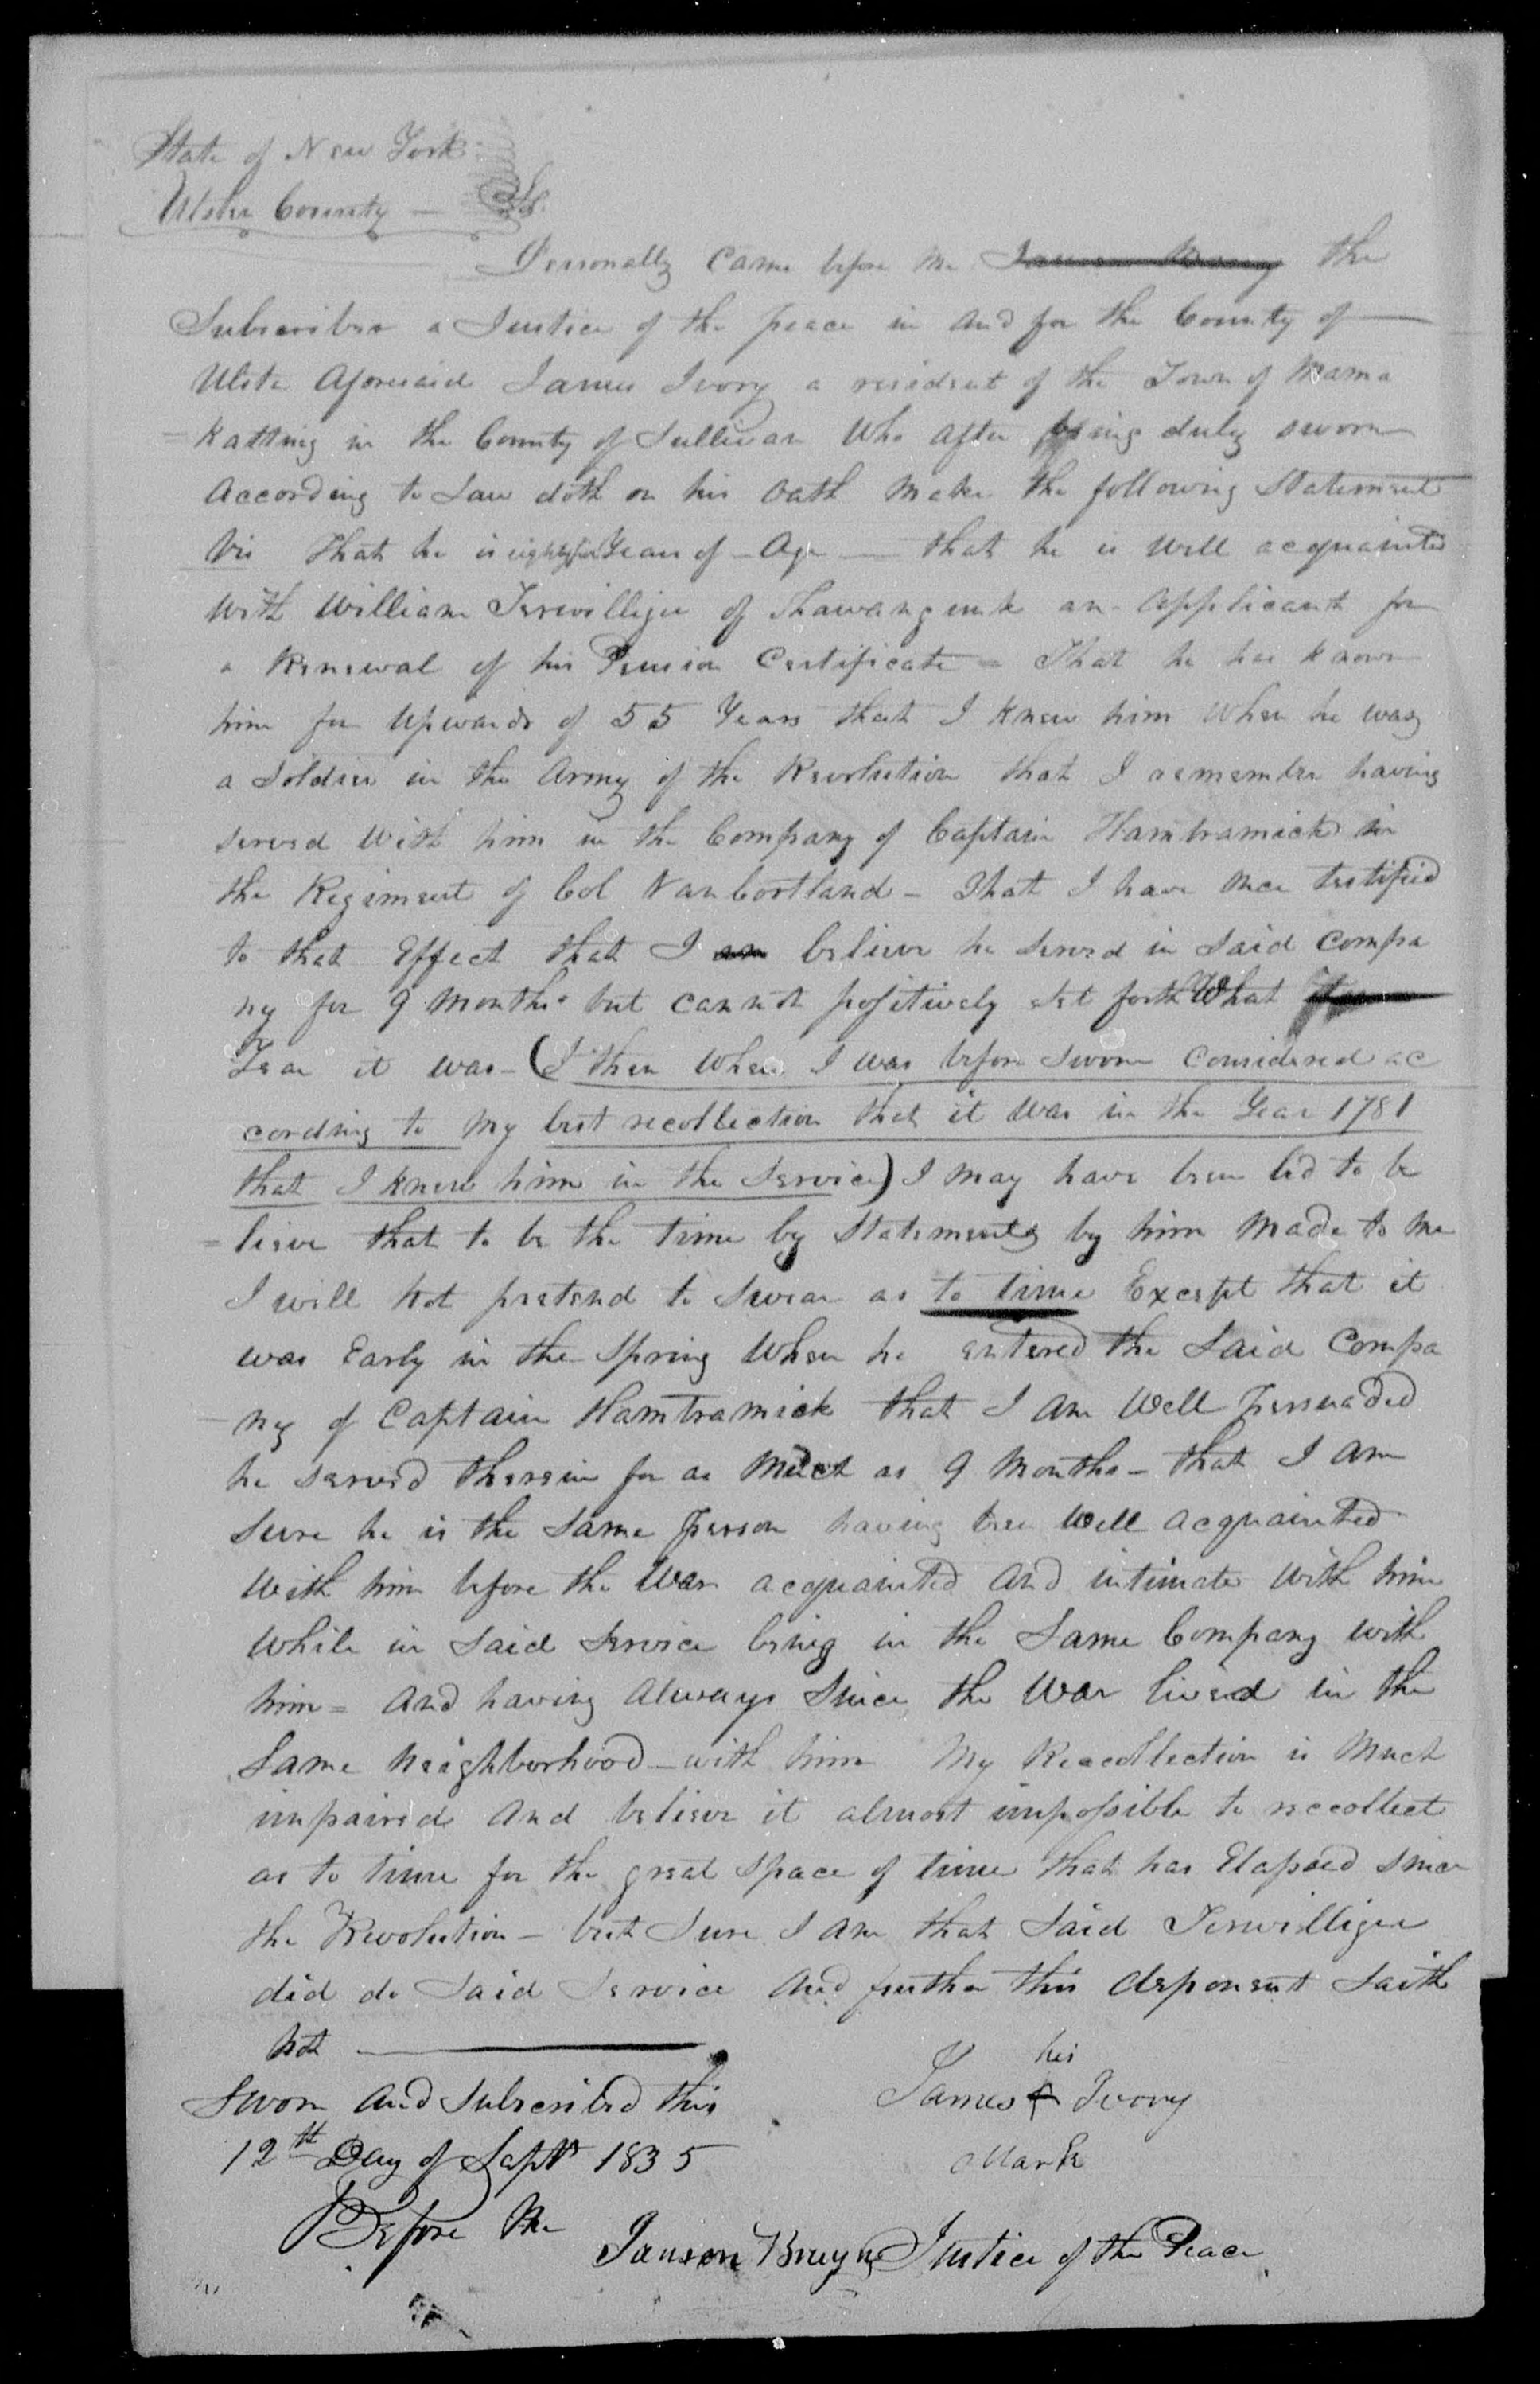State of New York
Ulster County -
Personally came before me the
Subscriber a Justice of the peace in and for the County of Ulster
State aforesaid James Ivory a resident of the Town of Mamakeeting in the County of Sullivan who after being duly sworn
according to Law doth on his oath make the following statement vis that he is eighty five years of age - that he is well acquainted with
William Terwilliger of Shawangunk an applicant for
Renewal of his pension certificate that he has known him for upwards of 55 years that I knew him when he was a
soldier in the Army of the Revolution that I remember having
served with him in the Company of Captain Hambramick in
the Regiment of Col Van Cortland. That I have once testified
to that effect that I believe he served in said Company for 9 months but cannot positively set forth that
Year it was then when I was before sworn considered according to my best recollection that it was in the year 1781
that I knew him in the service) I may have been led to believe
that to be the time by statements by him made to me
I will not pretend to swear as to time Except that it
was early in the spring when he entered the said Company of Captain Hamtramick that I am well persuaded
he served therein for as much as 9 months that I am
sure he is the same person having the well acquainted with
him before the war acquainted and intimate with him
while in said service being in the same company with
him-- and having always since the war lived in the same
neighborhood with him my recollection is much
impaired and believe it almost impossible to recollect
as to time for the great space of time that has elapsed so
the Revolution, but sure I am that said Terwilliger
did do said service and further this deponent saith not

James his x mark Ivory
-
Sworn and subscribed this
 12th
day of Sept 1835 
Before me
Janson Bray Justice of the Peace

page: 48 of 64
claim: survivor's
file: S. 42,464, for William Terwilliger, New York